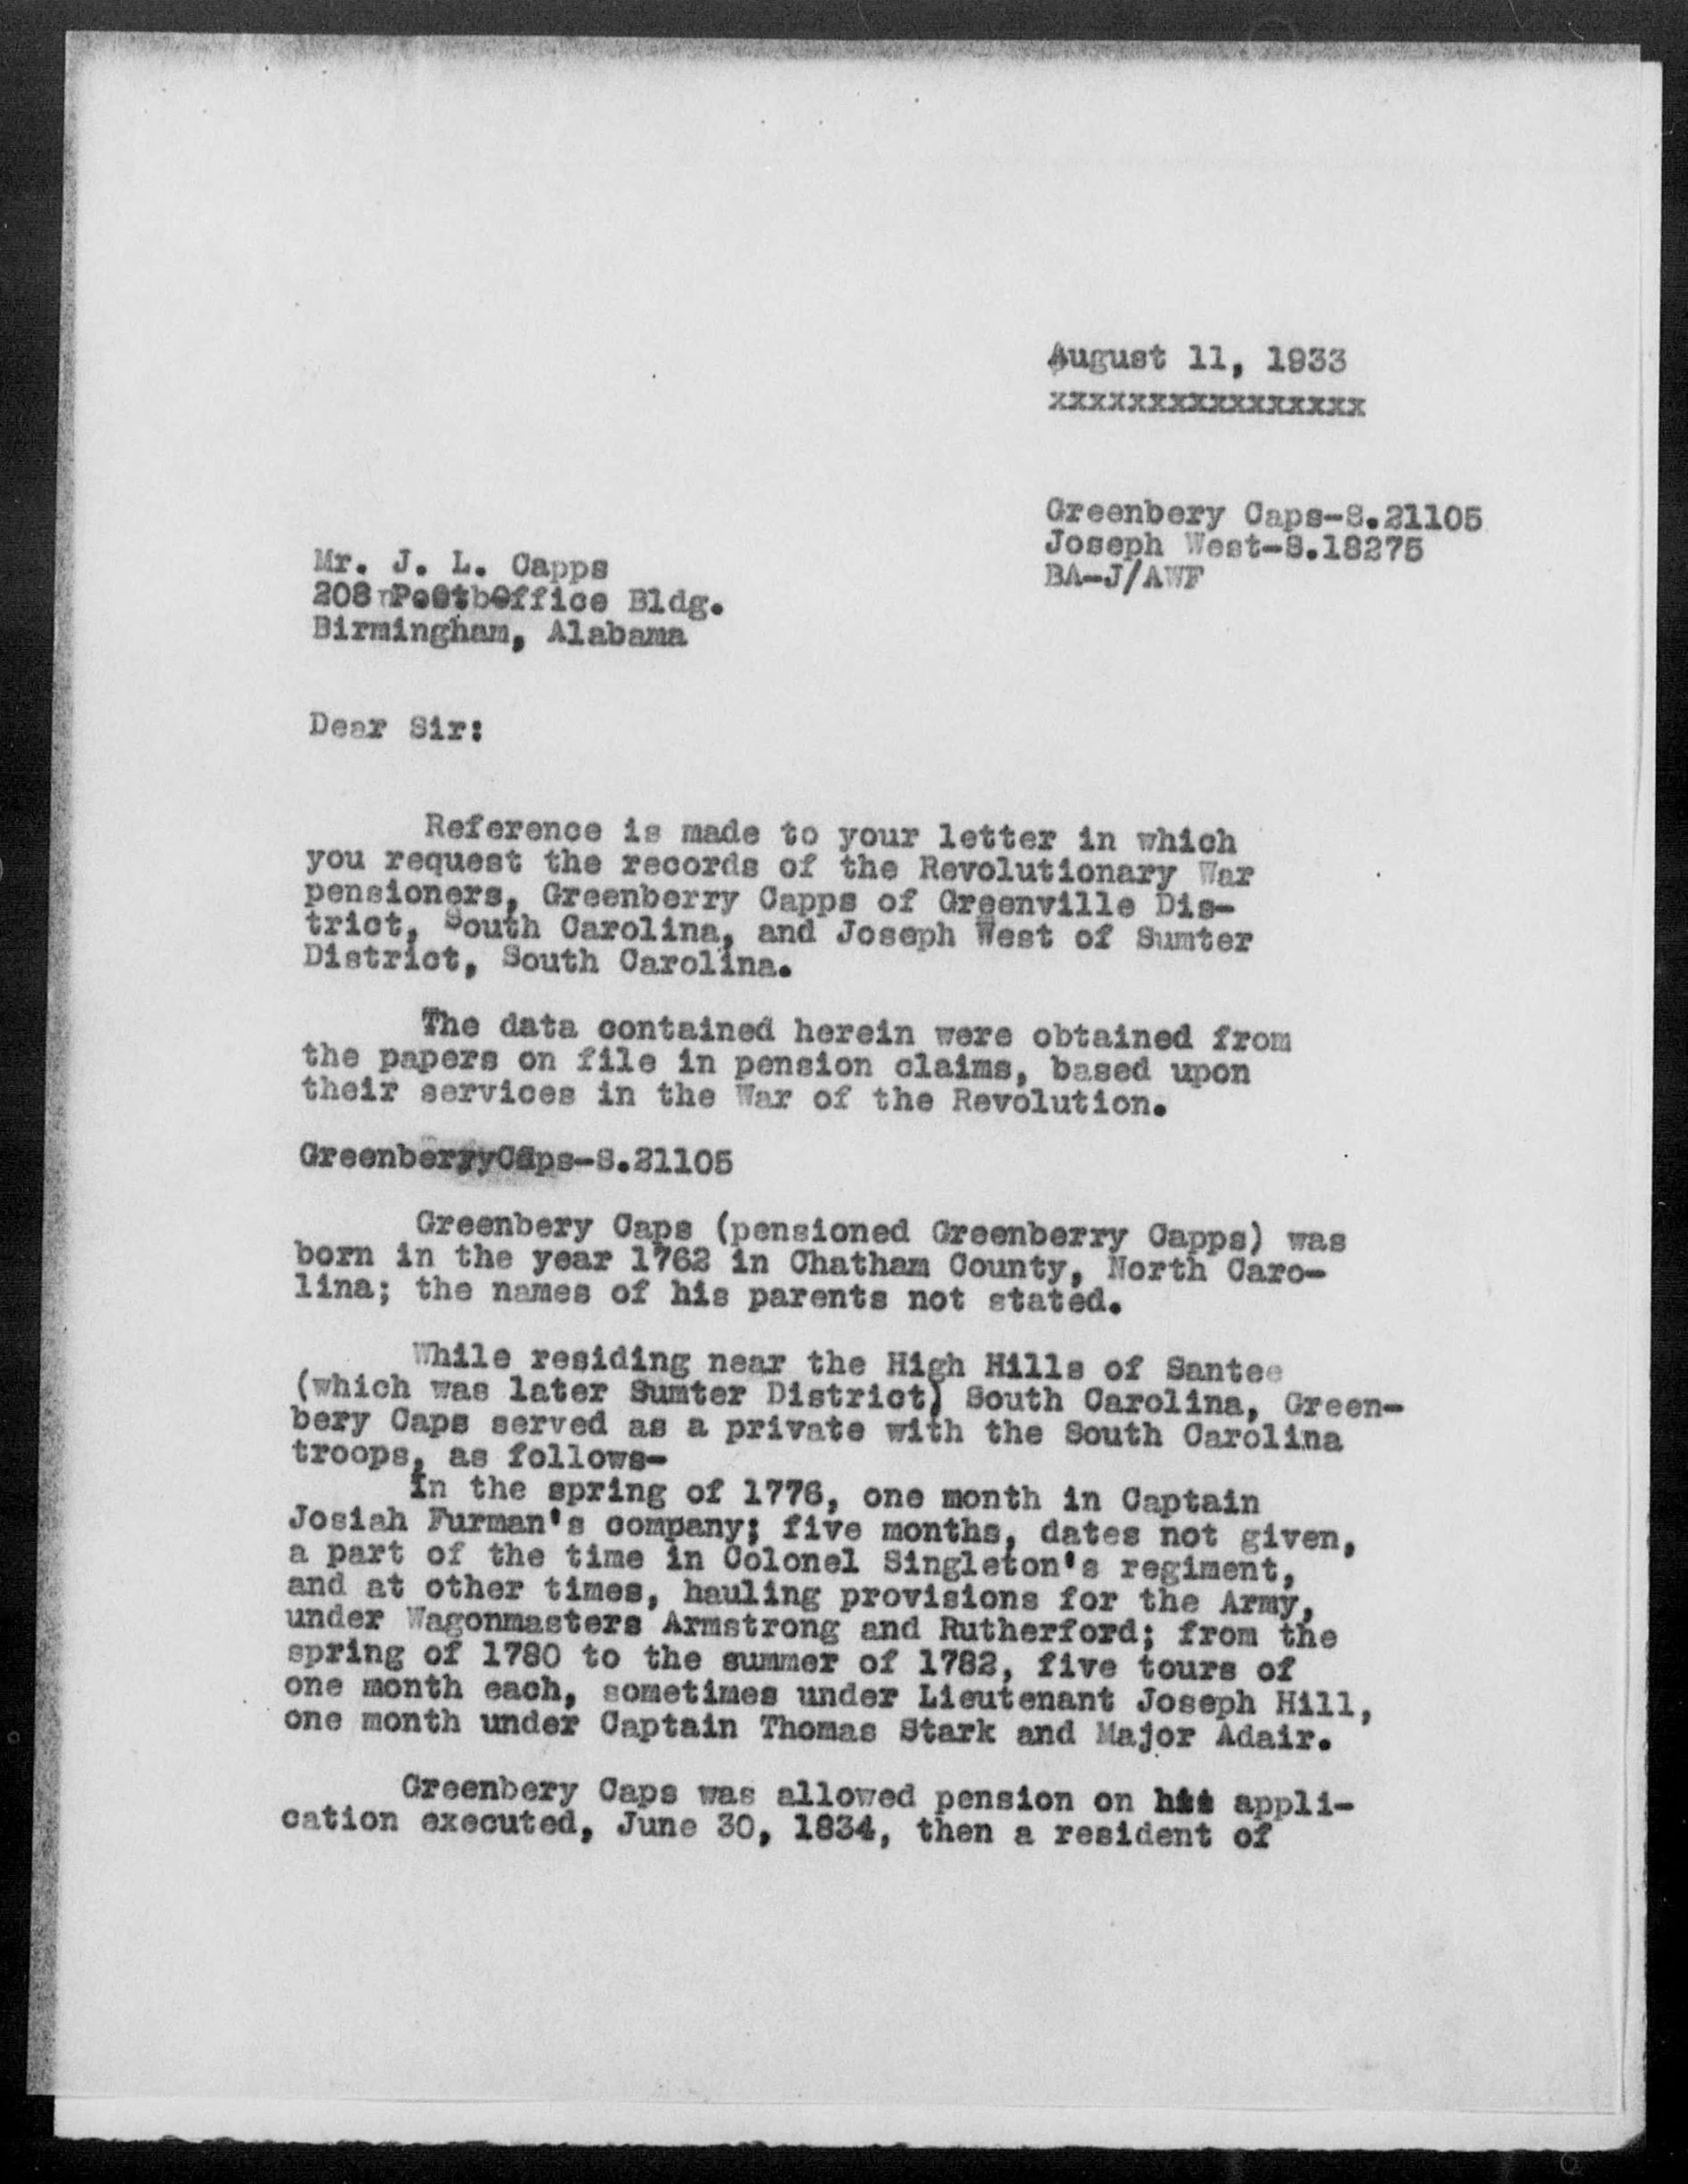August 11, 1933
XXXXXXXXXXXXXXXX

Greenbery Caps-S.21105
Joseph West-S.18275
BA-J/AWF

Mr. J. L. Capps
208 Post office Bldg.
Birmingham, Alabama

Dear Sir:
Reference is made to your letter in which
you request the records of the Revolutionary War
pensioners, Greenberry Capps of Greenville District, South Carolina, and Joseph West of Sumter District, South Carolina.

The data contained herein were obtained from
the papers on file in pension claims, based upon
their services in the War of the Revolution.

GreenberryCaps-S.21105
Greenbery Caps (pensioned Greenberry Capps) was
born in the year 1762 in Chatham County, North Carolina; the names of his parents not stated.

While residing near the High Hills of Santee
(which was later Sumter District) South Carolina, Greenbery
Caps served as a private with the South Carolina
troops, as follows-
In the spring of 1776, one month in Captain
Josiah Furman's company; five months, dates not given,
a part of the time in Colonel Singleton's regiment,
and at other times, hauling provisions for the Army,
under Wagonmasters Armstrong and Rutherford; from the
spring of 1780 to the summer of 1782, five tours of
one month each, sometimes under Lieutenant Joseph Hill,
one month under Captain Thomas Stark and Major Adair.

Greenbery Caps was allowed pension on his application
executed, June 30, 1834, then a resident of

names: Adair, Joseph West, Greenbery Caps, J L Capps, Greenbery Caps, Joseph West, Greenbery Caps, Greenberry Caps, Greenbery Caps, Greenberry Capps, Greenberry Capps, Thomas Stark, Joseph Hill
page: 24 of 26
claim: survivor's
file: S. 21105, Greenbery Caps, S.C.